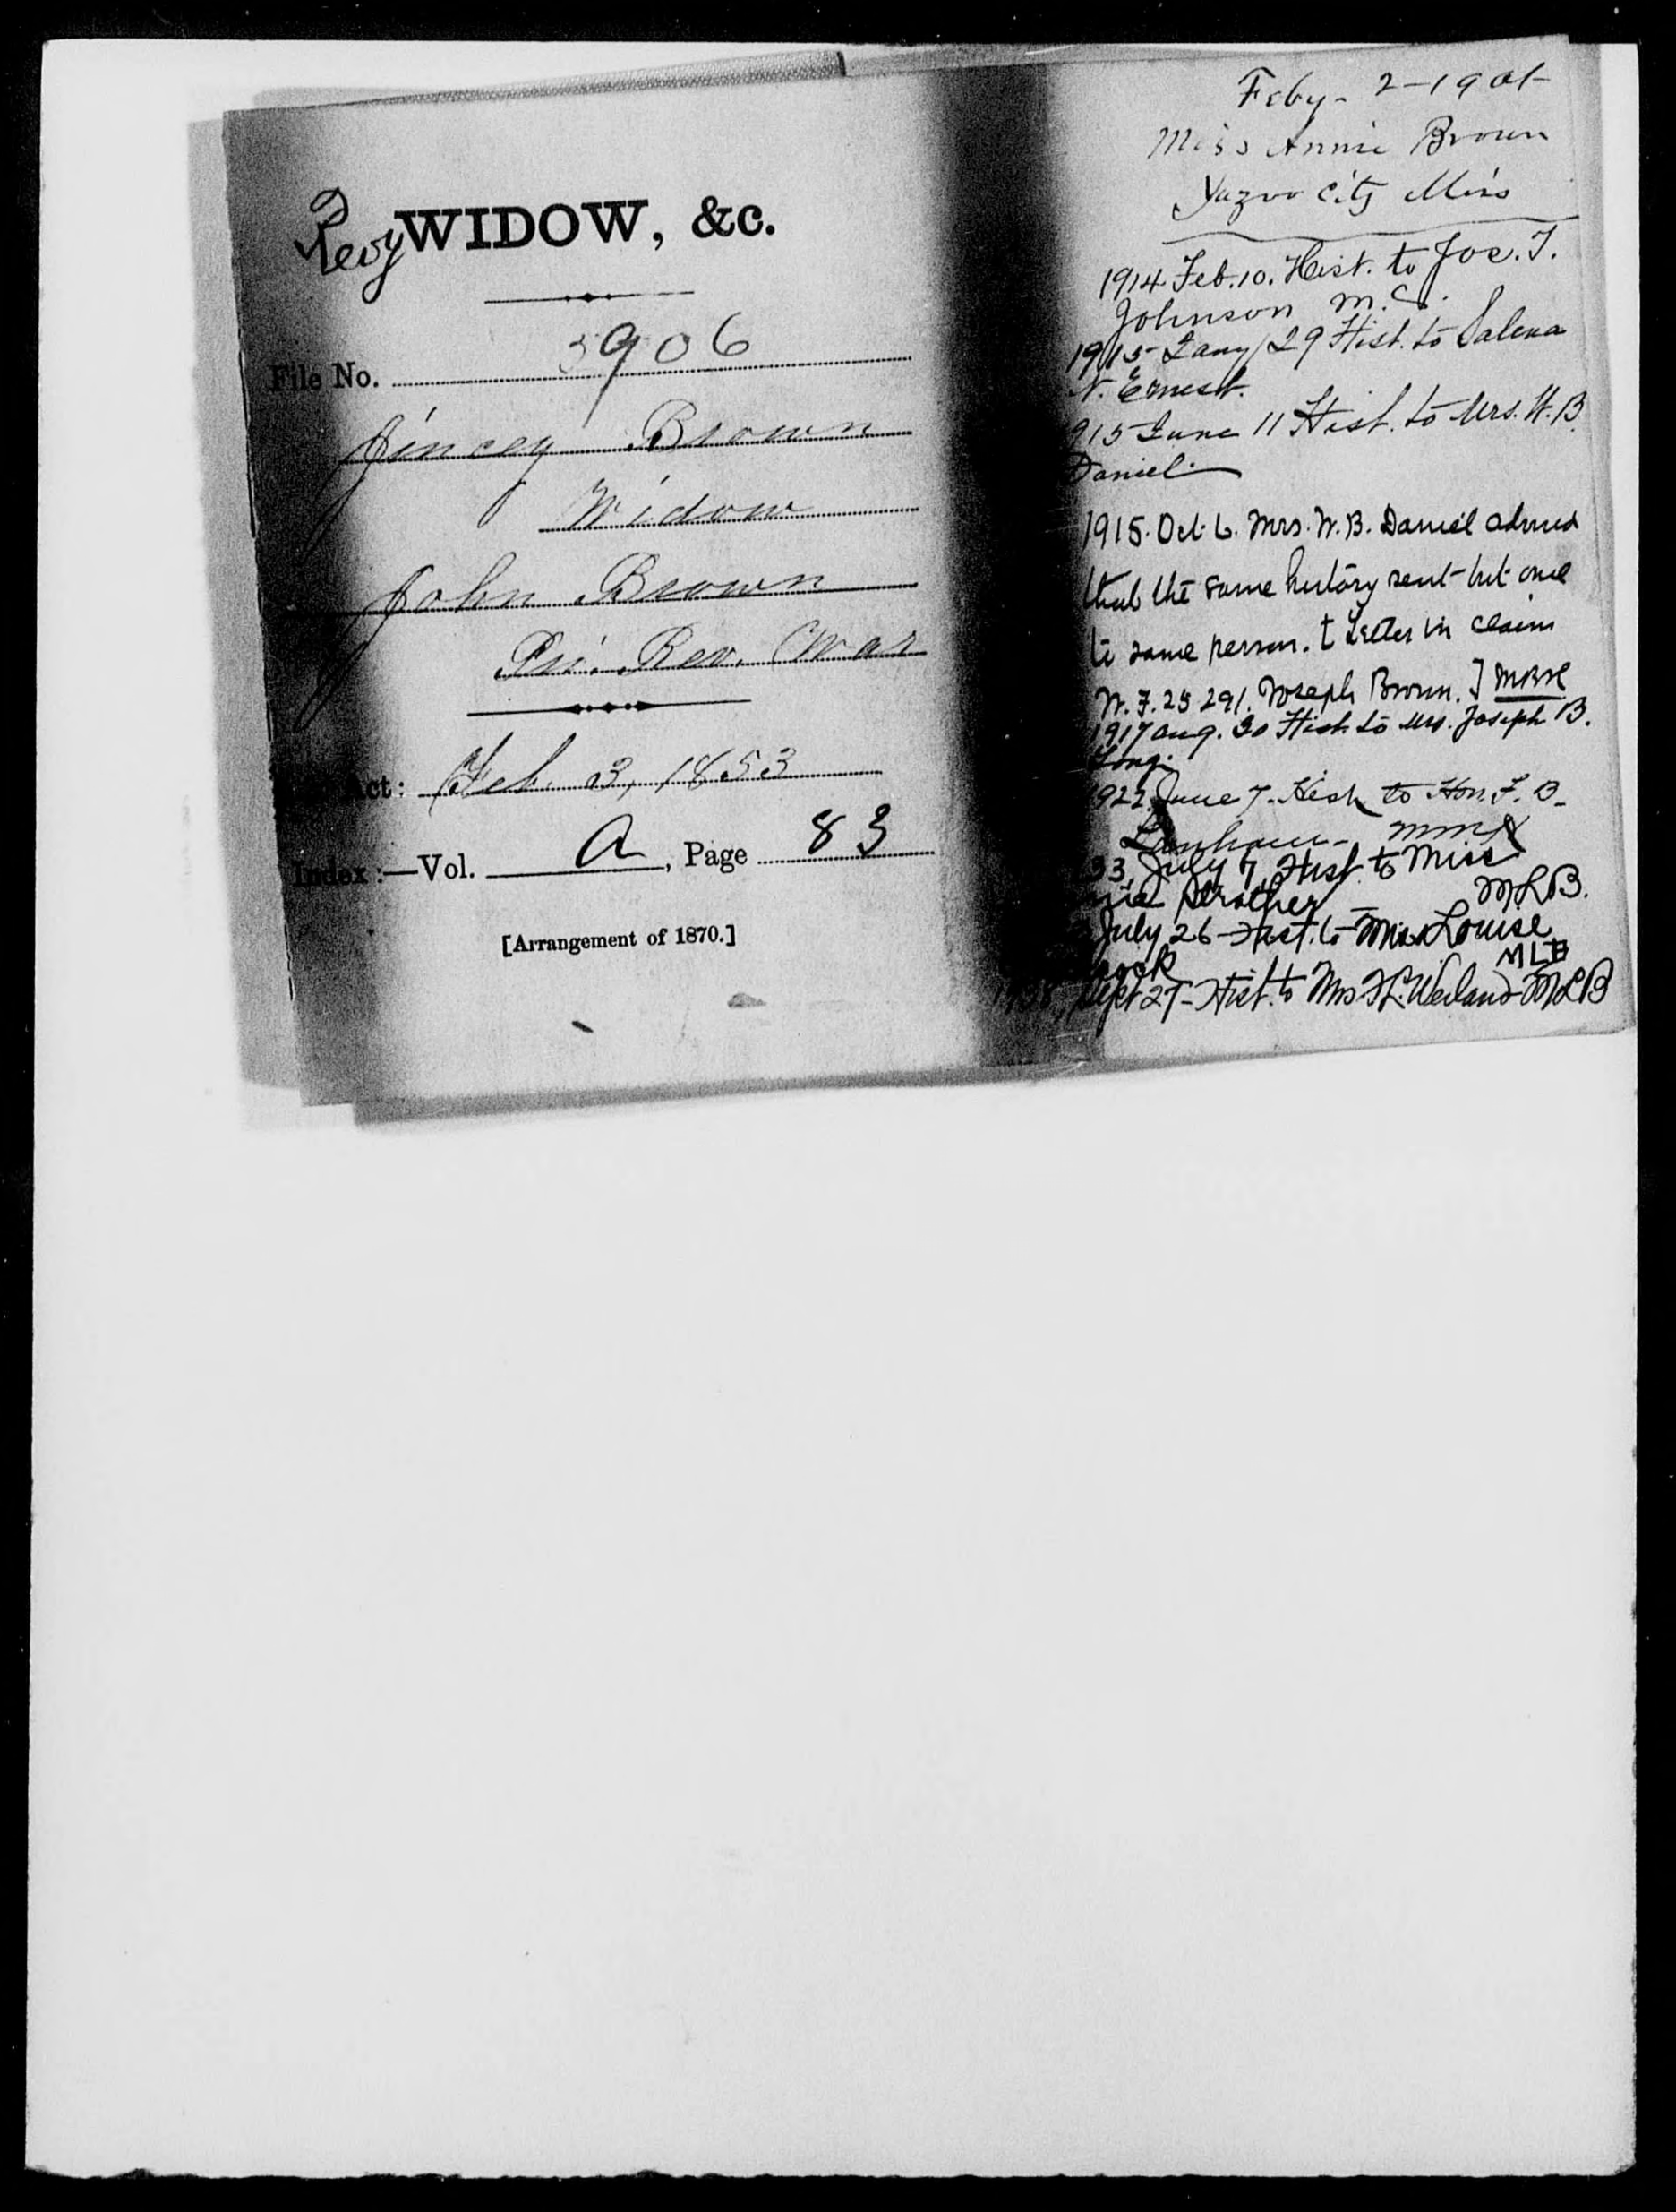Revy WIDOW, & c.
File No 5906
Jincey Brown
Widow
John Brown
Pri Rev. Ear
Act Feb 3, 1853
Index Vol. A, Page 83
[Arrangement of 1870.]

Feby. 2-1901
Miss Annie Brown
Yazoo City Miss
1914 Feb 10 Hist. to Jos T Johnson mc
1915 Jany. 29 Hist. to Salena N. Ernest.
1915 June 11 Hist. to Mrs. W.B. Daniel
1915 Oct -6. Mrs. W.B. Daniel advised 
that the same history sent - but once to same person.[letter in claim W.F. 25291 Joseph Brown] MRH
1917 Aug 30 Hist to Mrs. Joseph B. Long
1922 June 7. Hist to Hon. F.B. Lanham MMH
1933 July 7 Hist sent to Miss Annie Strather MRB
_ July 26 Hist to Miss Louise _ MLB
1938 Sept 27 - Hist. To Mrs. F.L. Weiland MLB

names: Salena N Ernest, Joseph Brown, F L Weiland, Louise Hathcock, F B Lanham, Joseph B Long, Jos T Johnson, Annie Brown, Annie Strother, Jincey Brown, W B Daniel, W B Daniel, John Brown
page: 59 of 85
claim: widow's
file: W. 5,906, John Brown, S.C.